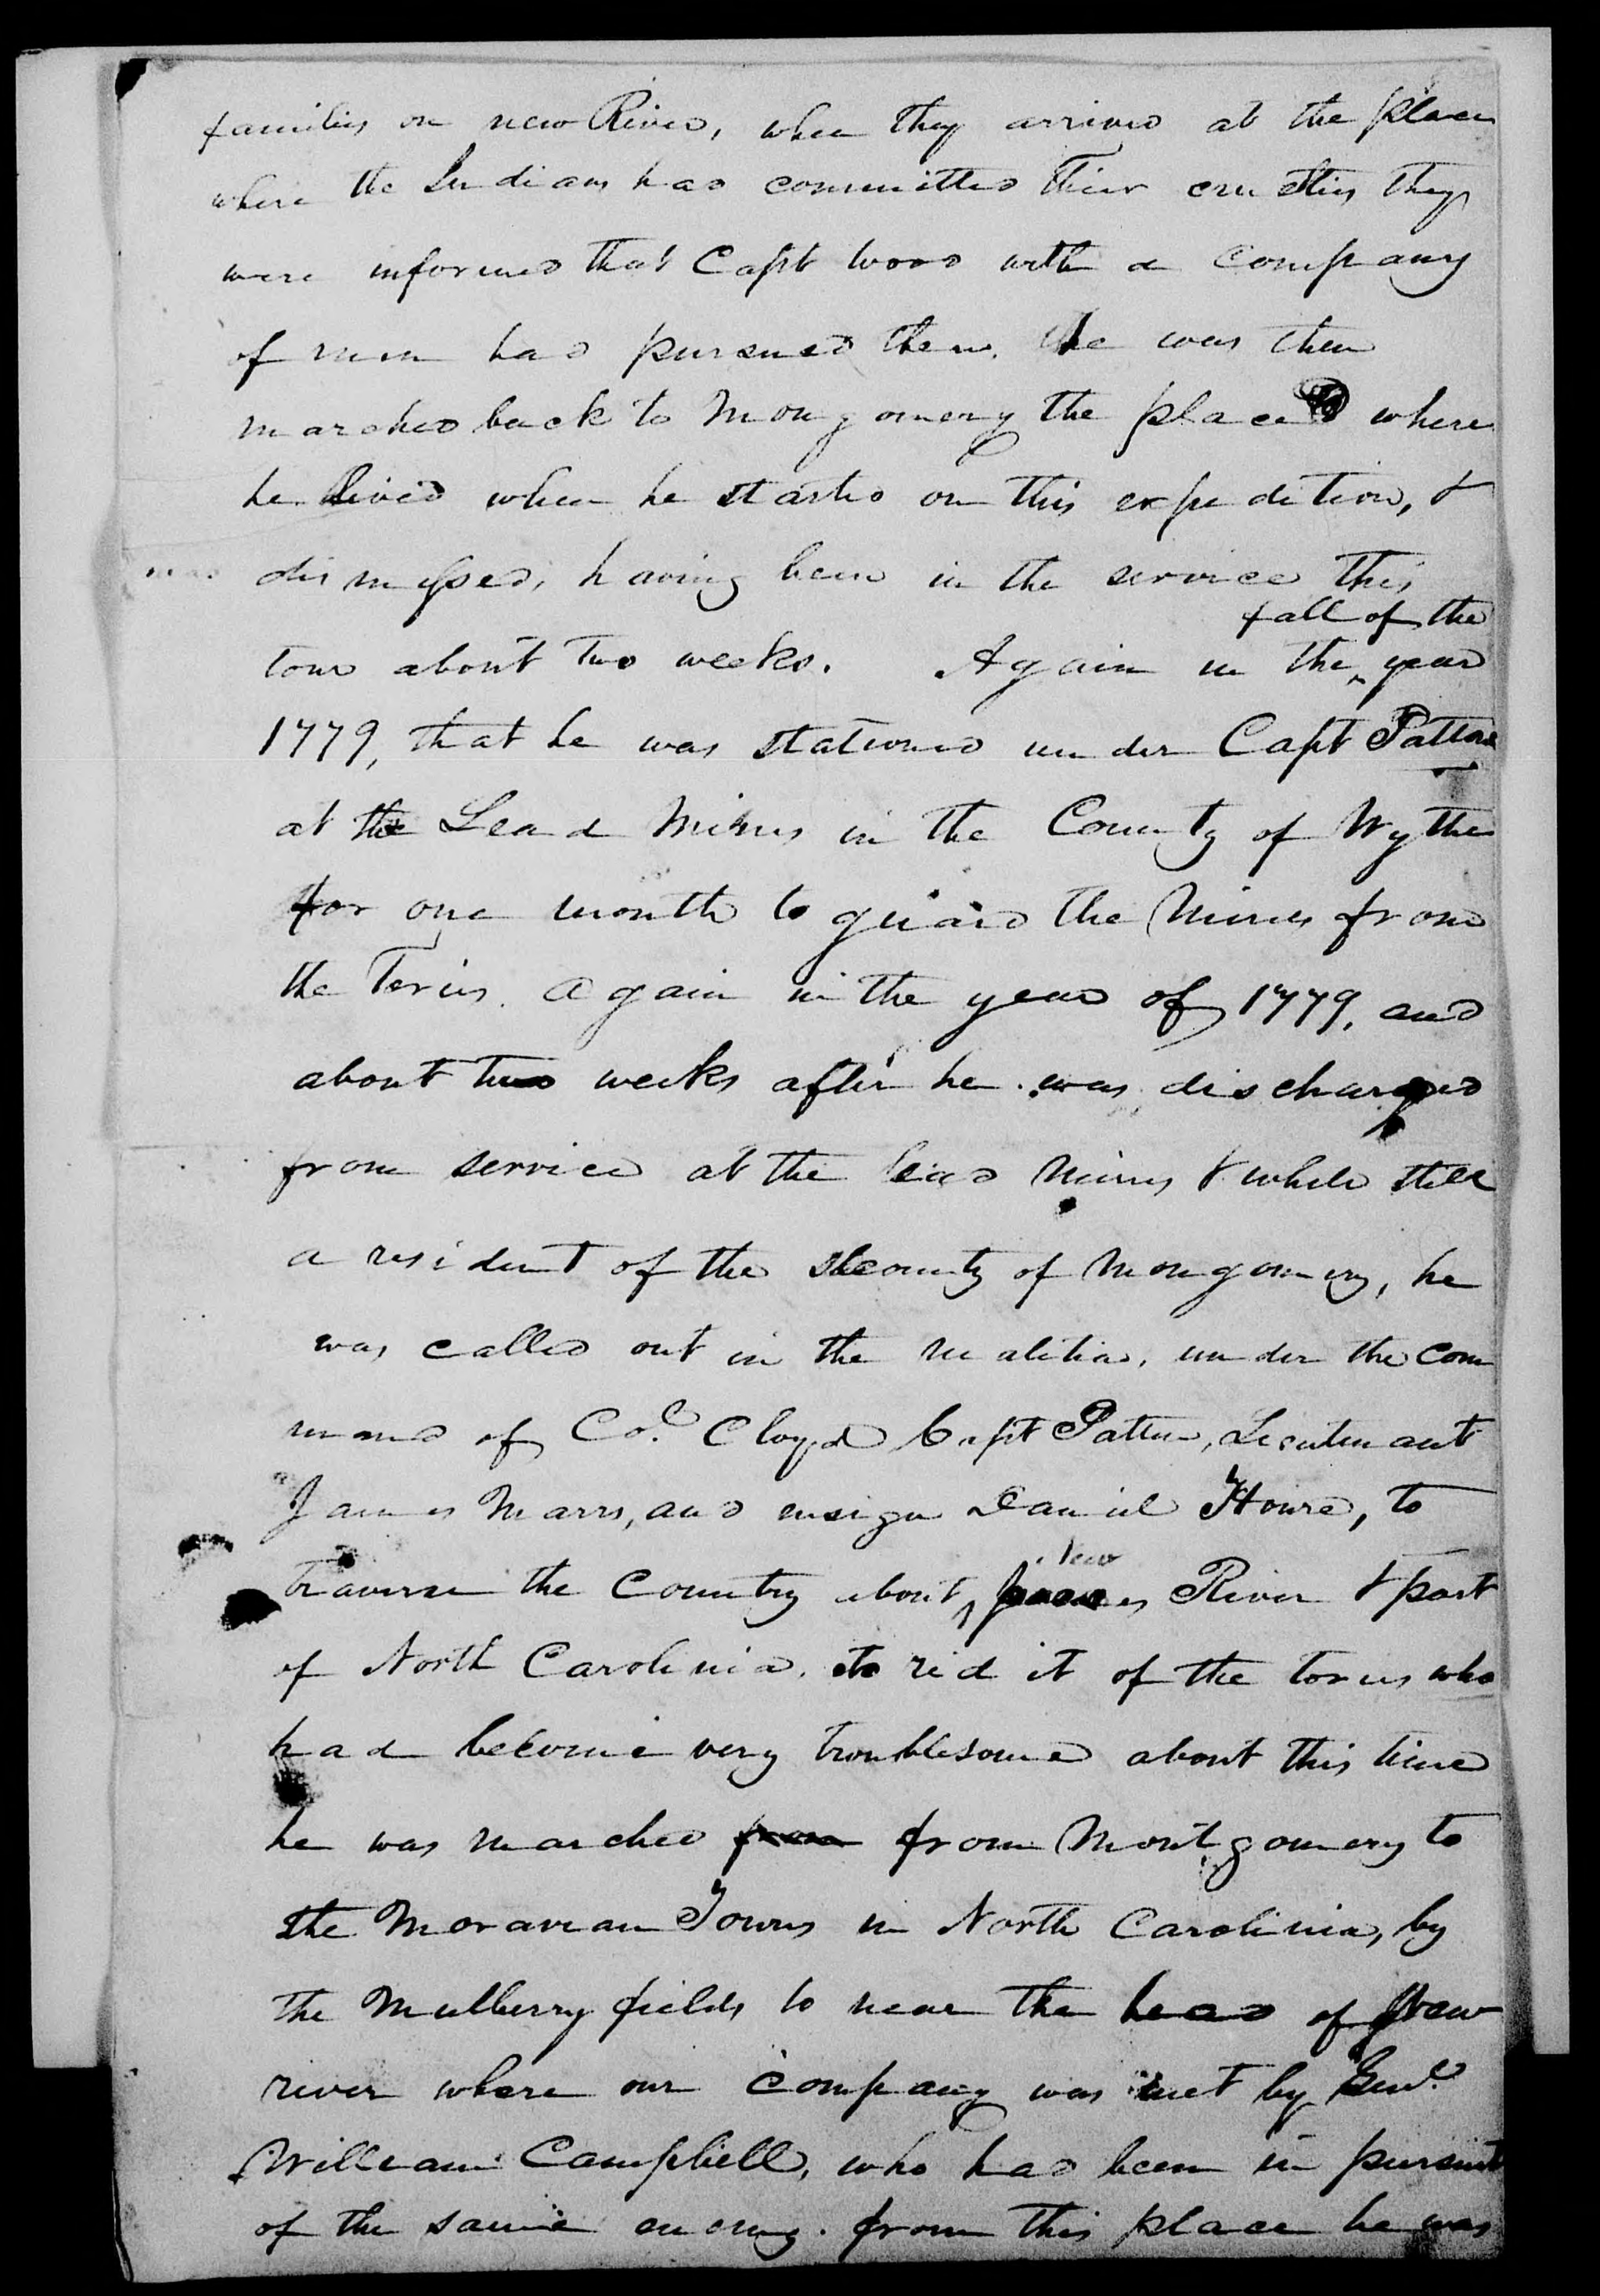families on new River, when they arrived at the place where the Indians had committed their audacities they were informed that Capt Wood with a Company of men had pursued them, he was then marched back to Montgomery the place where he lived when he started on this expedition, & dismissed, having been in the service this tour about two weeks. Again in the fall of the year 1779, that he was stationed under Capt Patton at the Lead Mines in the County of Wythe for one month to guard the mines from the Tories. Again in the year of 1779, and about two weeks after he was discharged from service at the lead mines & while still a resident of the County of Montgomery, he was called out in the Malitia, under the Command of Col. Cloyd Capt Patton, Lieutenant James Marrs, and ensign Daniel Houre, to traverse the Country about New River & part of North Carolina. To rid it of the Tories who had become very troublesome about this time he was marched from Montgomery to the Moravean Towns in North Carolina, by the Mulberry fields to near the head of New river where our Company was met by Genl. William Campbell, who had been in pursuit of the same enemy. from this place he was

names: [BLANK] Cloyd; [BLANK] Patton; Daniel Houre; James Marrs; [BLANK] Wood; William Campbell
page: 6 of 35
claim: survivor's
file: S. 30,665, for John Prewett, Virginia